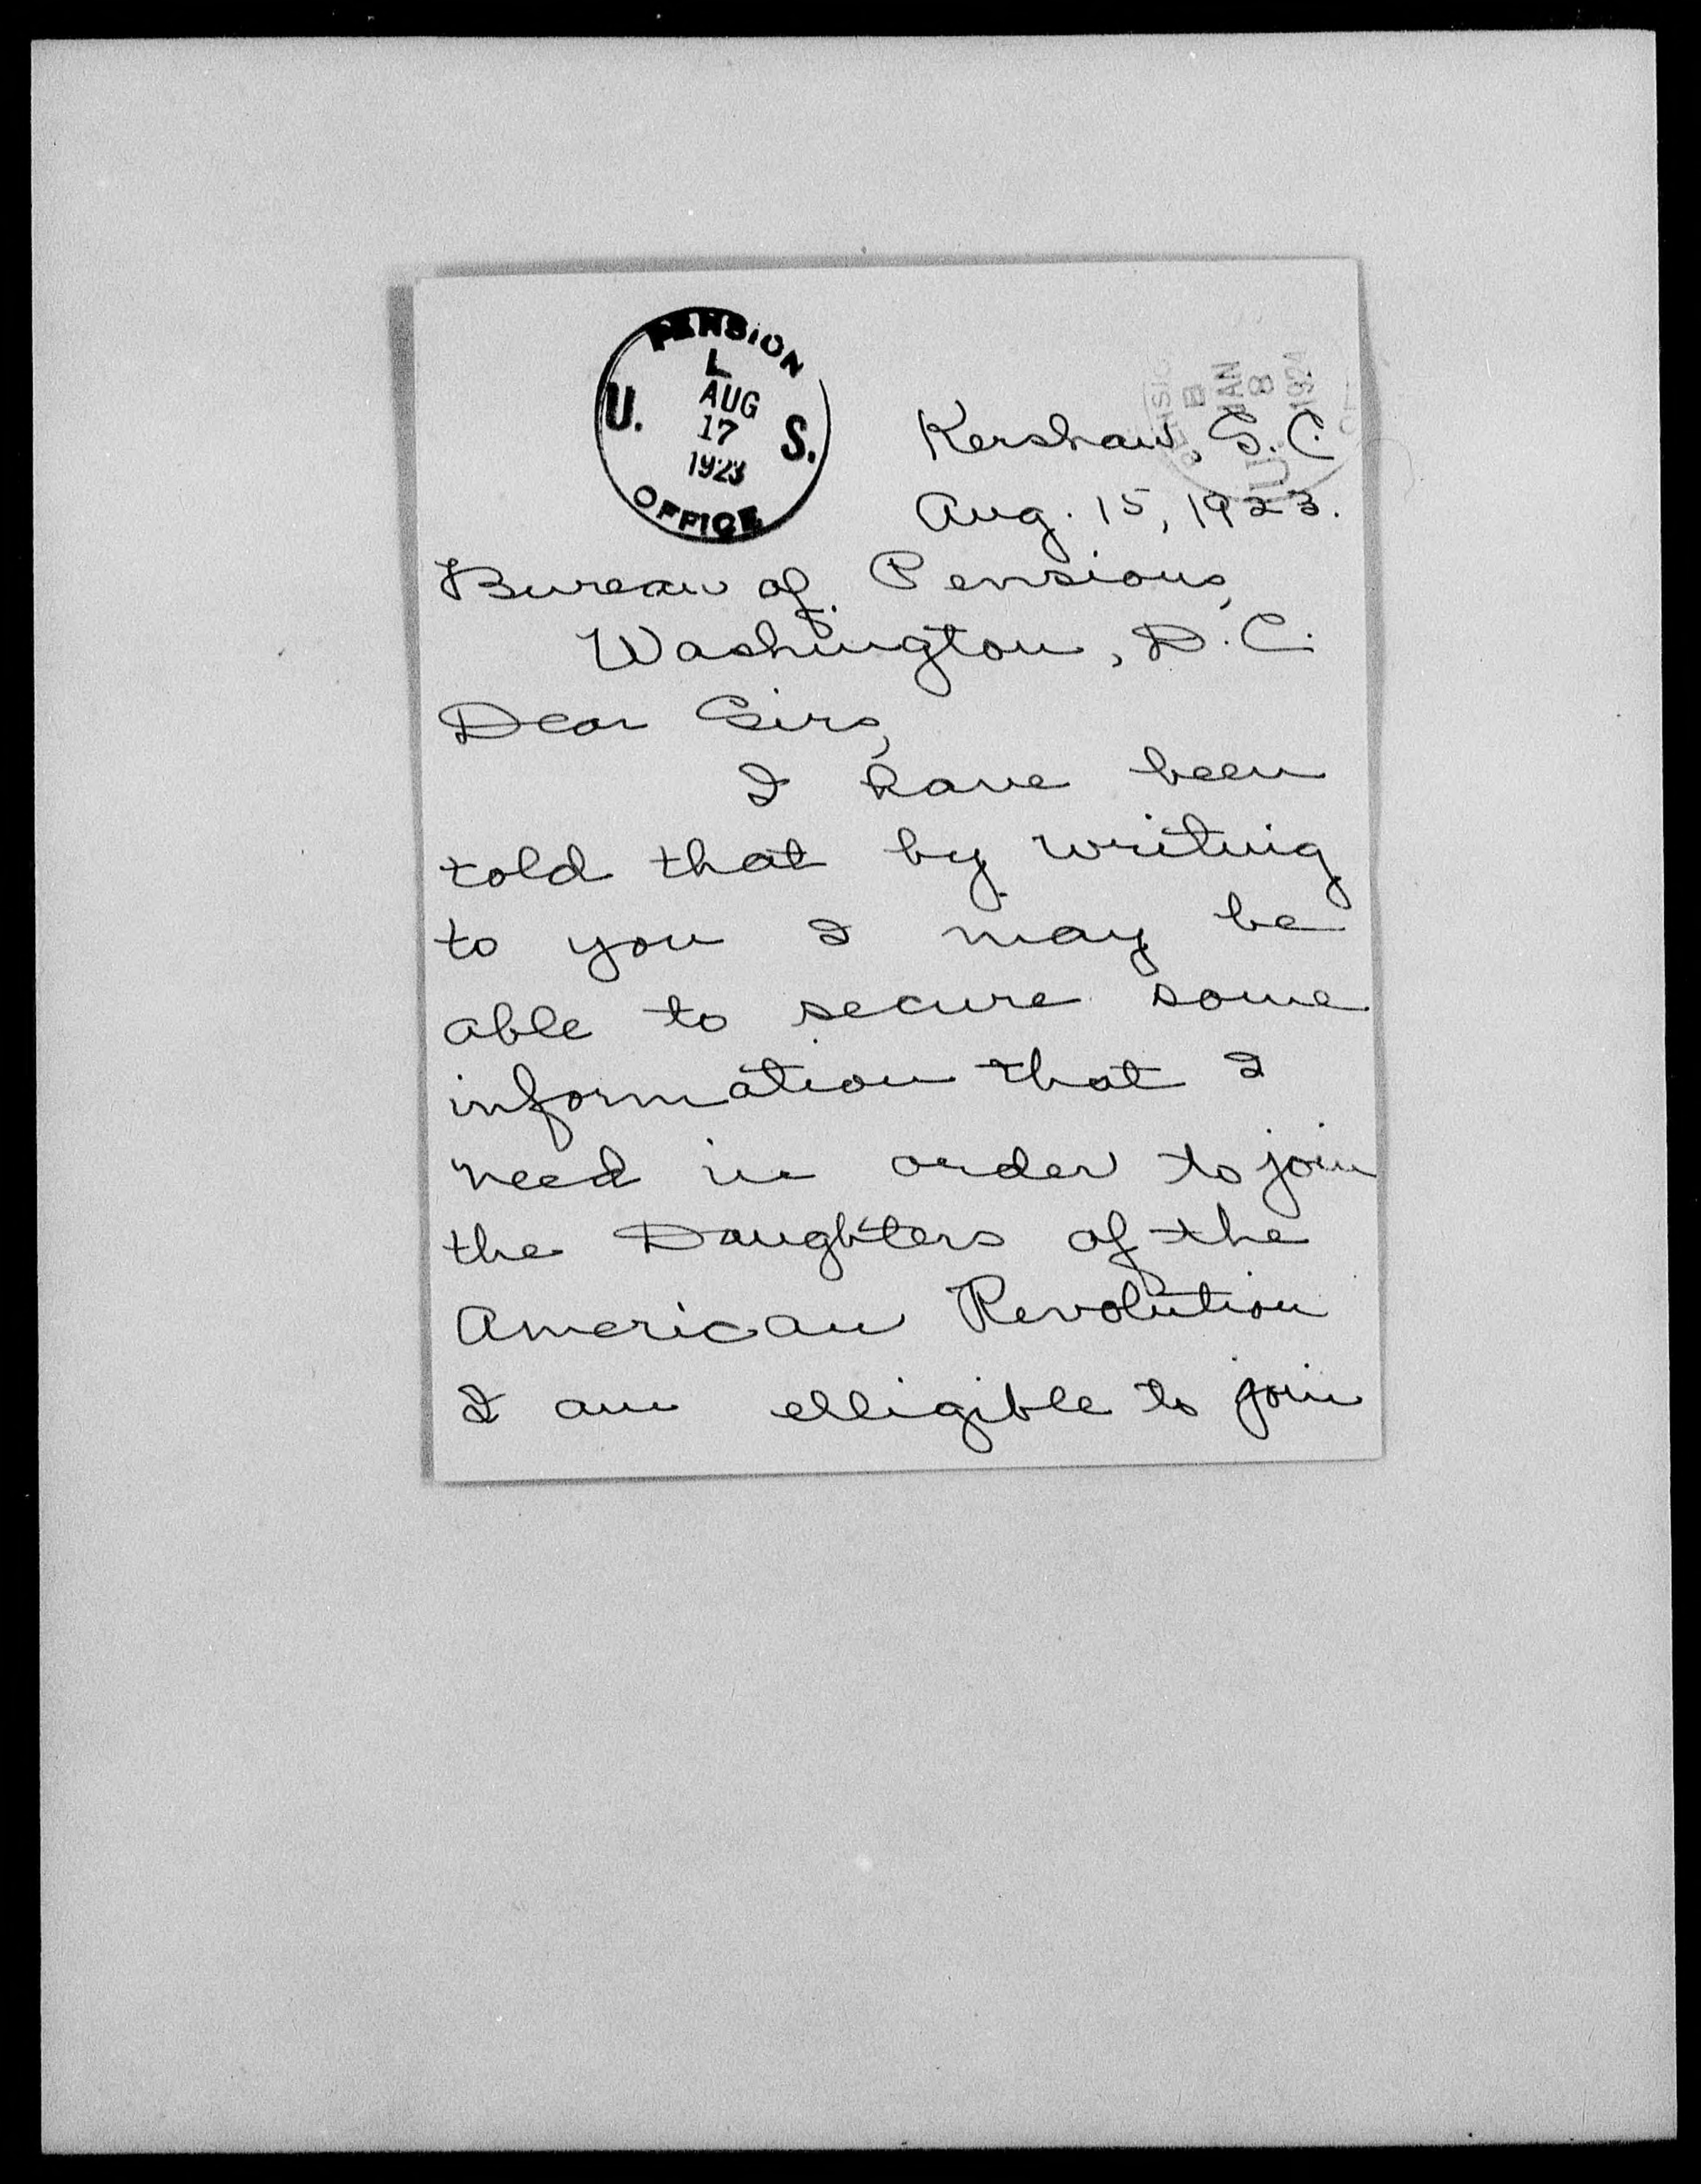Kershaw, SC
Aug 15, 1923
Bureau of Pensions
Washington, D. C.
Dear Sirs
I have been told that by writing to you I may be able to secure some information that I need in order to join the Daughters of the American Revolution I am eligible to join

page: 19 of 28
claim: survivor's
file: S. 21844, for Samuel Jones, South Carolina